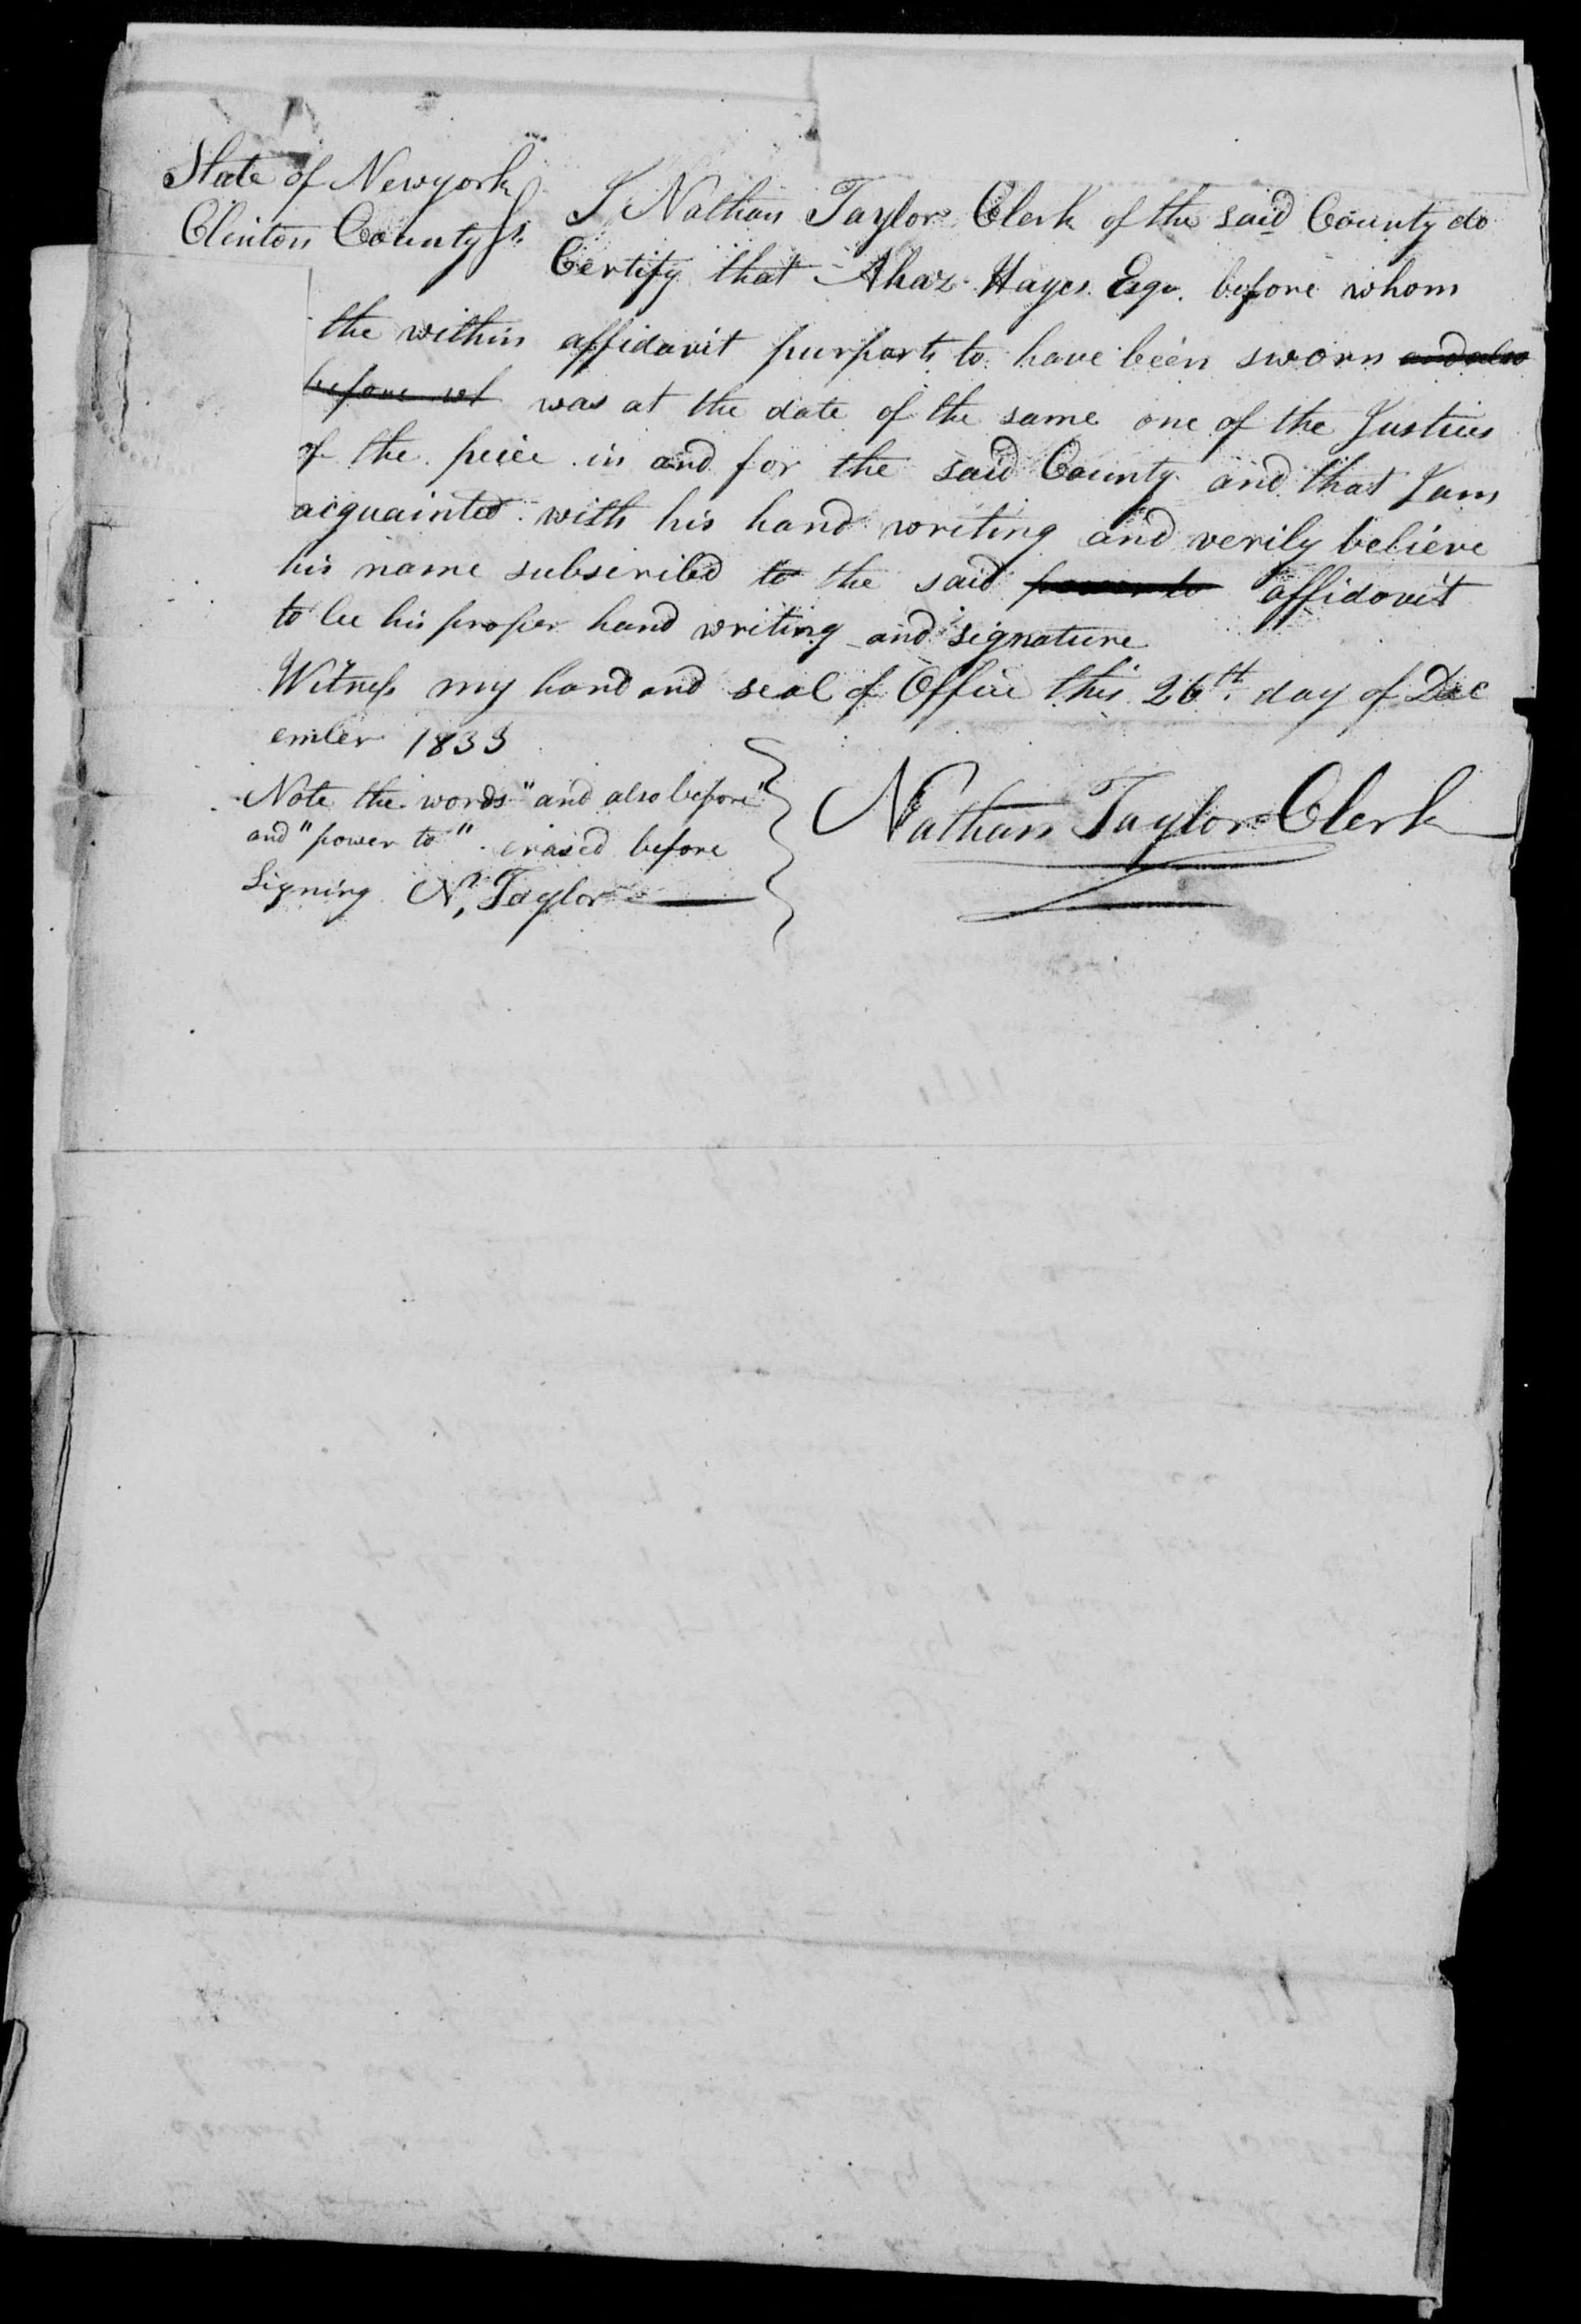State of New York
Clinton County ss
Nathan Taylor Clerk of the said County do
Certify that Ahaz Hayes Esqr. before whom
the within affidavit purports to have been sworn
was at the date of the same one of the Justices
of the peace in and for the said County and that I am acquainted with his hand writing and verily believe his name subscribed to the said affidavit to be his proper hand writing and signature.

Witness my hand and seal of Office this 26th day of December 1833
Nathan Taylor, Clerk

Note the words" and also before"
and "power to" erased before signing.
N. Taylor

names: Nathan Taylor, Nathan Taylor, N Taylor, Ahaz Hayes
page: 14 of 40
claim: rejected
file: R. 1558, Jonathan Butterfield, Mass. Vt.